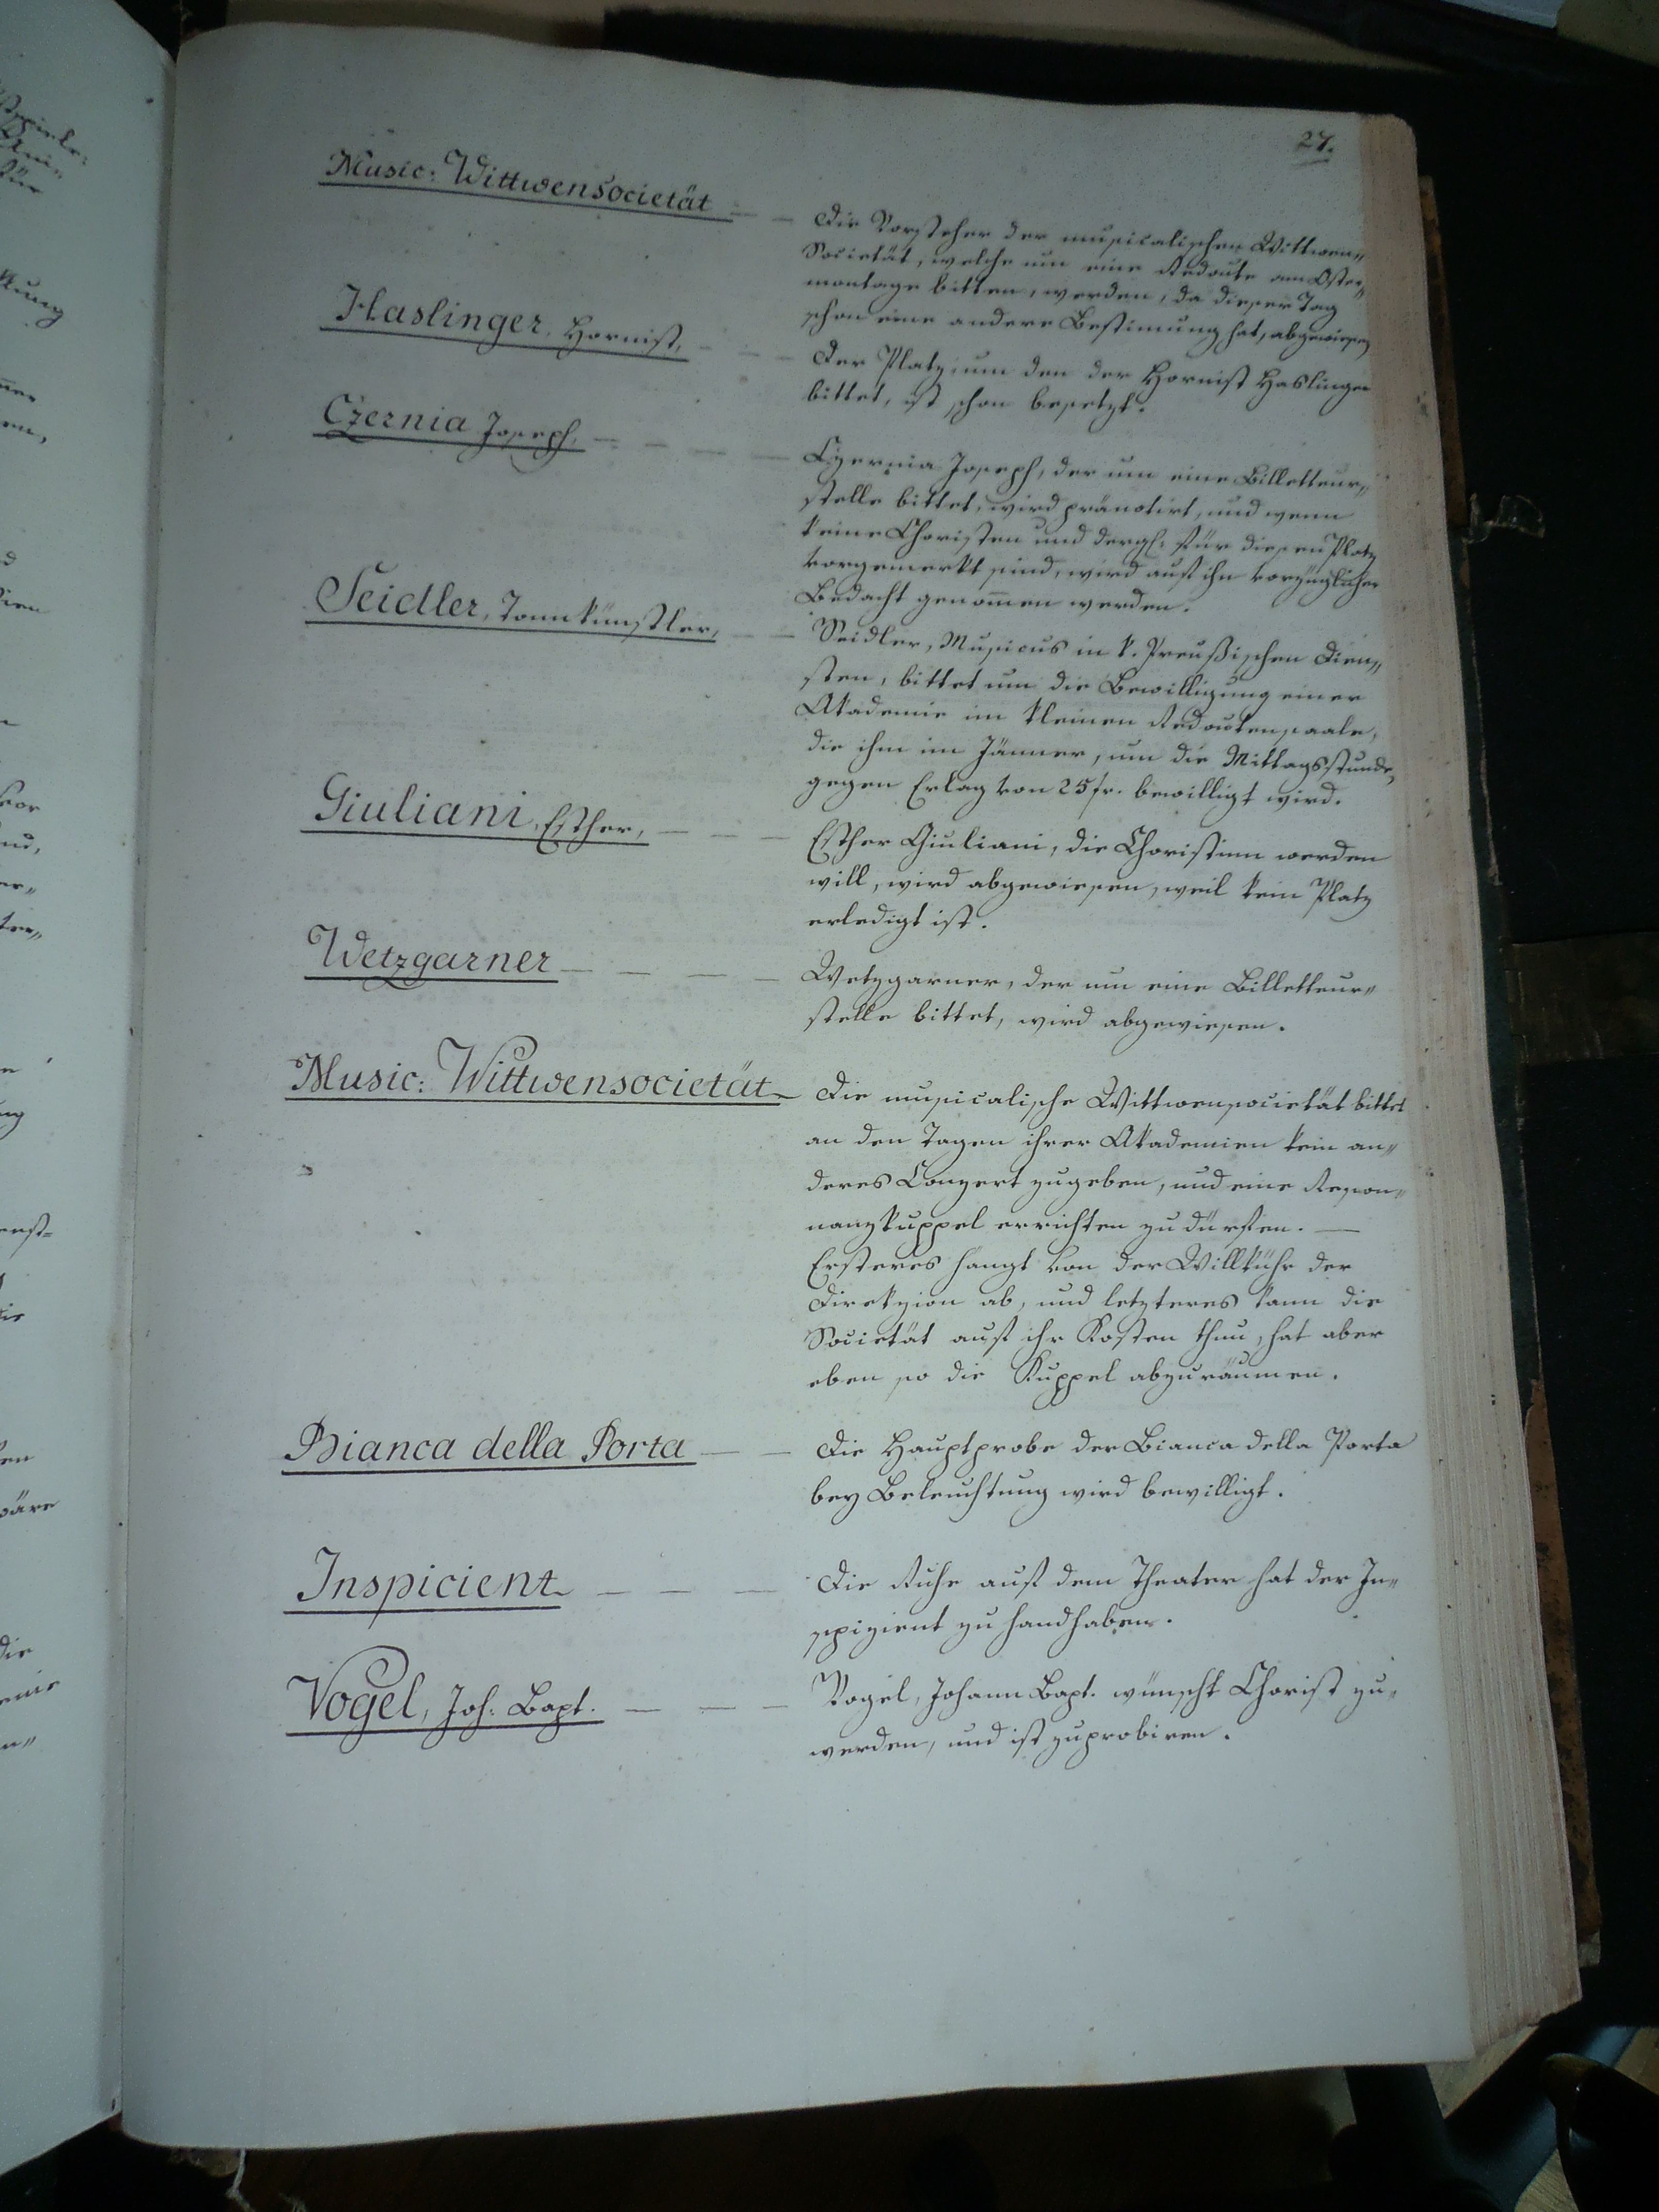27.
Music: Wittwensocietät _ _ Die Vorsteher der musicalischen Wittwen¬
Societät, welche um eine Redoute am Oster¬
montage bitten, werden, da dieser Tag
schon eine andere Bestimung hat, abgewiesen
Haslinger, Hornist, _ _ _ Der Platz, um den der Hornist Haslinger
bittet, ist schon besetzt.
Czernia Joseph, _ _ _ _ Czernia Joseph, der um eine Billetteur¬
stelle bittet, wird pränotirt, und wenn
keine Choristen und dergE: für diesen Platz
vorgemerkt sind, wird auf ihn vorzüglicher
Bedacht genommen werden.
Seidler, Tonnkünstler, _ _ Seidler, Musicus in K. Preußischen Dien¬
sten, bittet um die Bewilligung einer
Akademie im kleinen Redoutensaale,
die ihm im Jänner, um die Mittagsstunde,
gegen Erlag von 25 fr. bewilligt wird.
Giuliani, Esther, _ _ _ Esther Giuliani, die Choristinn werden
will, wird abgewiesen, weil kein Platz
erledigt ist.
Wetzgarner _ _ _ _ Wetzgarner, der um eine Billetteur¬
stelle bittet, wird abgewiesen.
Music: Wittensocietät Die musicalische Wittwensocietät bittet
an den Tagen ihrer Akademien kein an¬
deres Conzert zugeben, und eine Reson¬
nanzkuppel errichten zu dürfen. __
Ersteres hängt von der Willkühr der
Direkzion ab, und letzteres kann die
Societät auf ihr Kosten thun, hat aber
eben so die Kuppel abzuräumen.
Bianca della Porta _ _ Die Hauptprobe der Bianca della Porta
bey Beleuchtung wird bewilligt.
Inspicient _ _ _ Die Ruhe auf dem Theater hat der In¬
spizient zu handhaben.
Vogel, Joh: Bapt. _ _ _ Vogel, Johann Bapt. wünscht Chorist zu¬
werden, und ist zuprobiren.